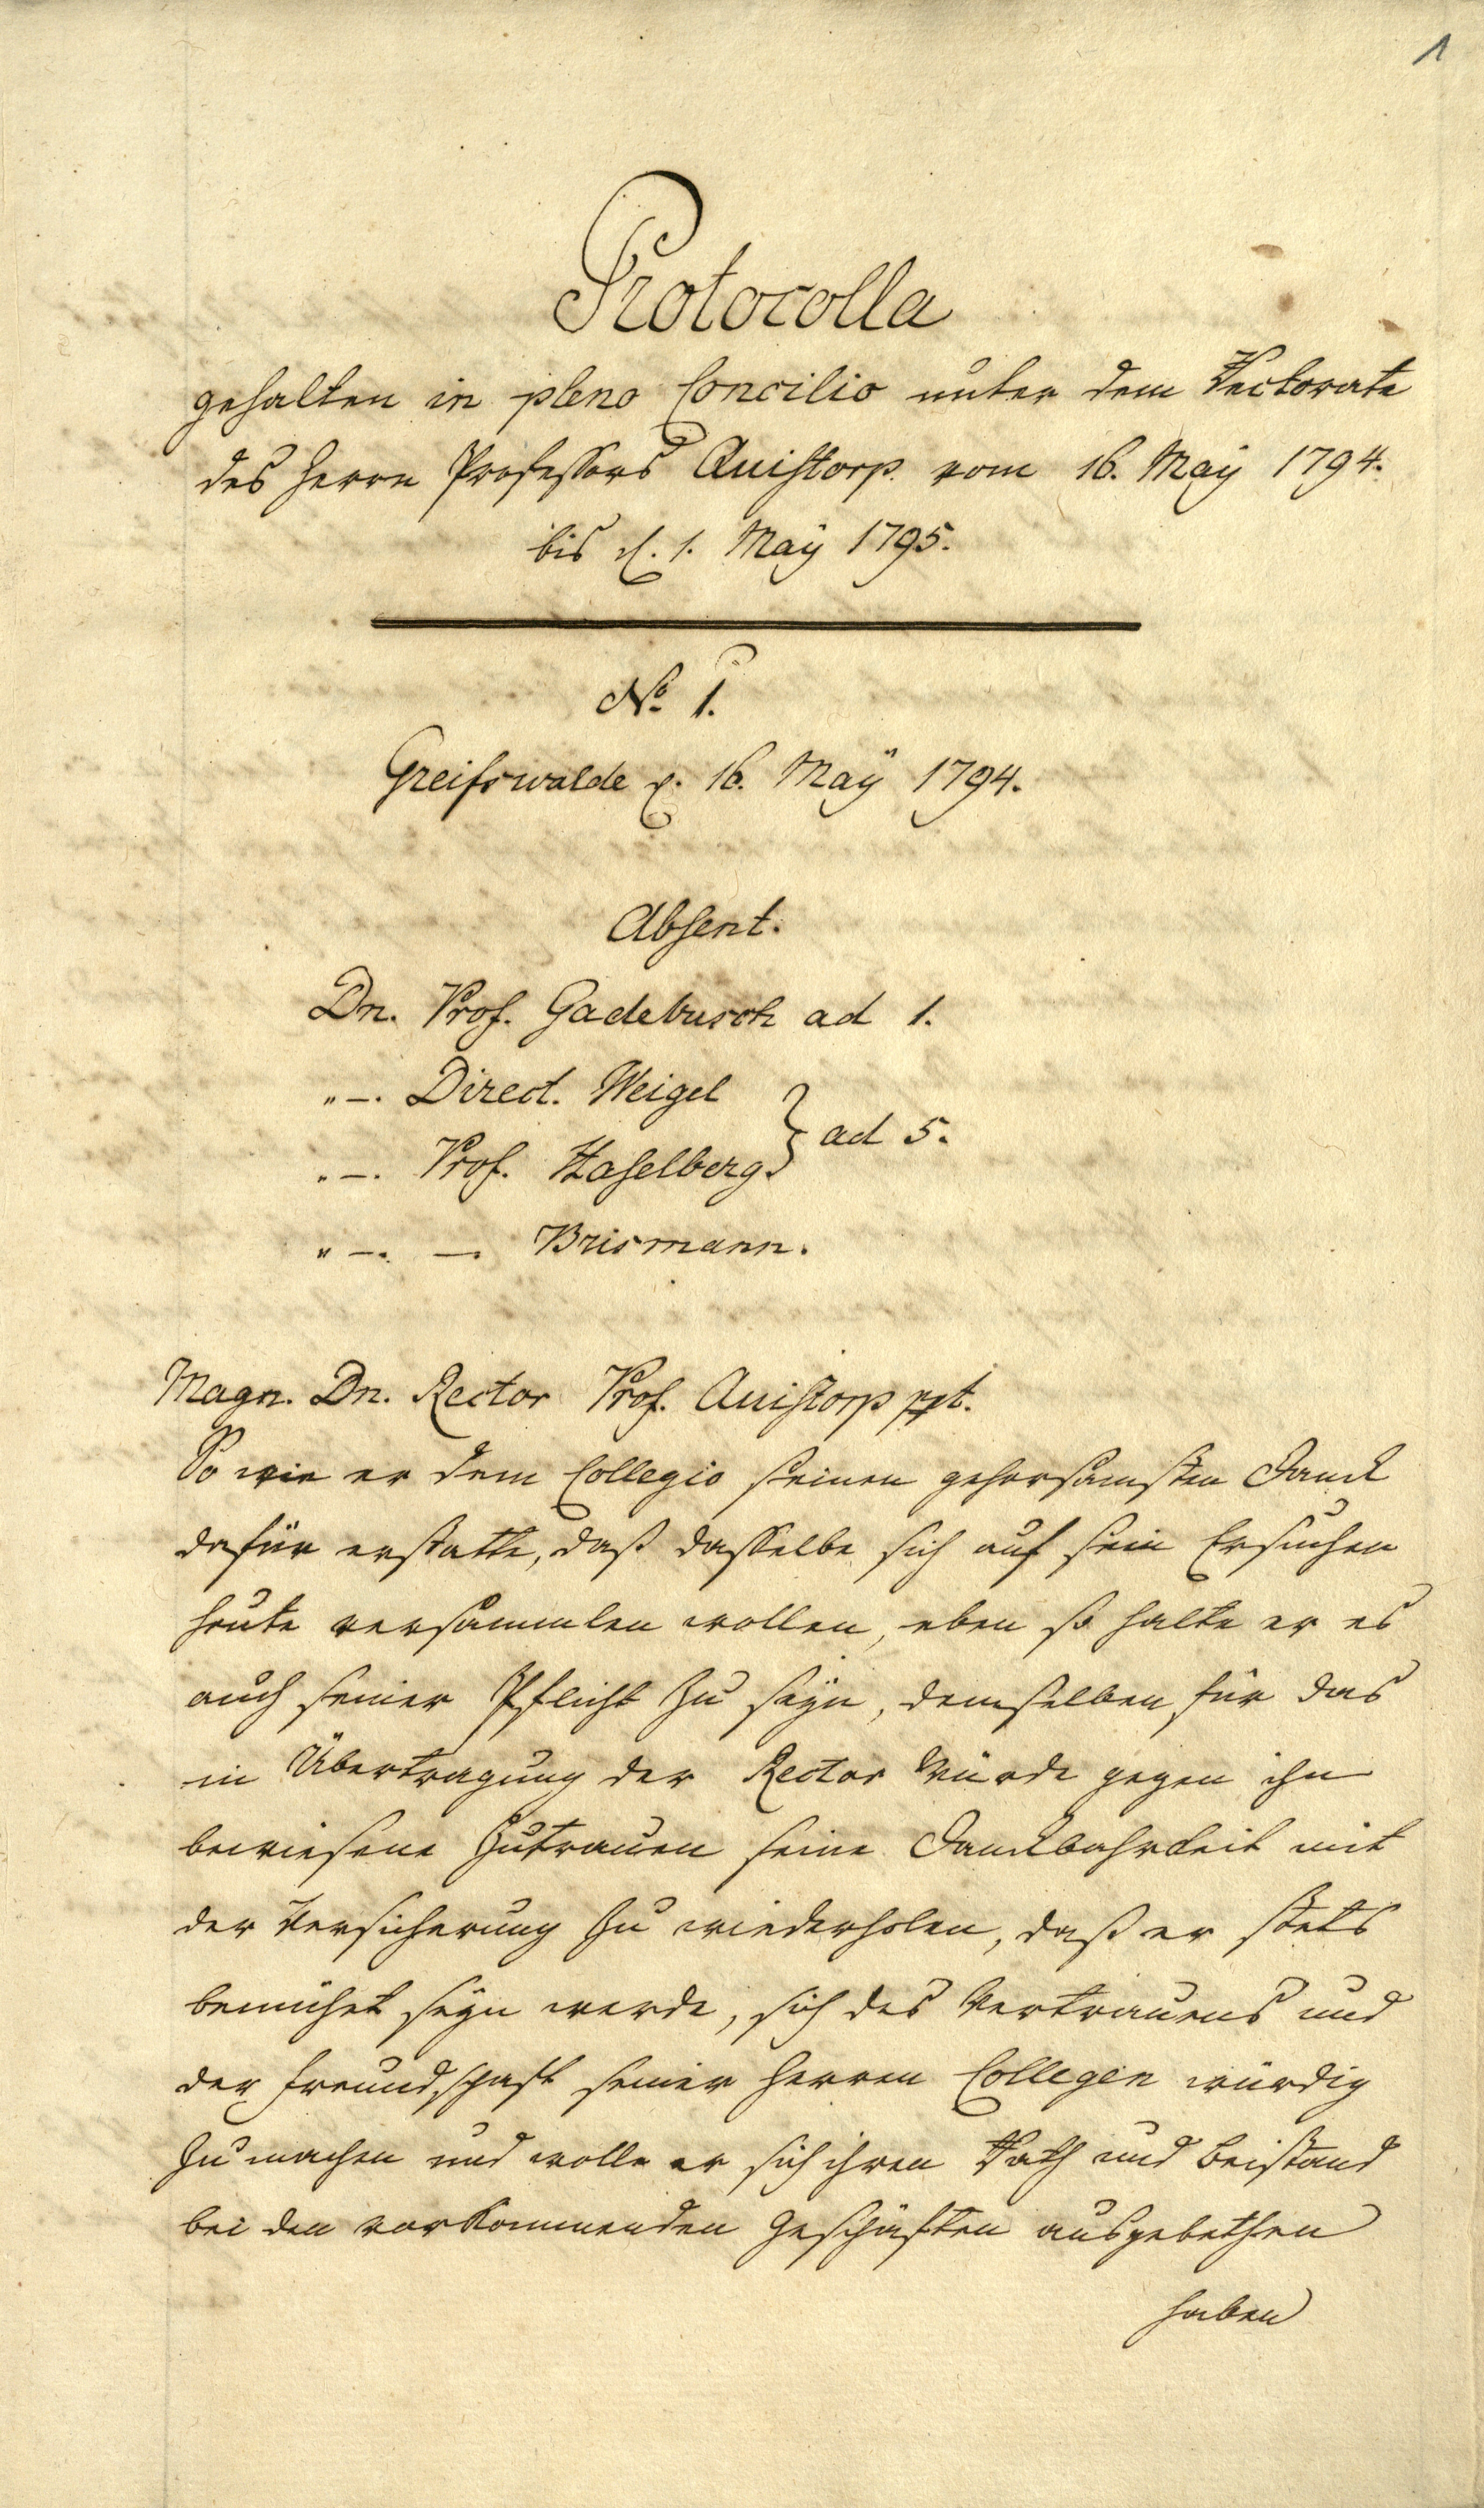Protocolla
gehalten in pleno Concilio unter dem Rectorate
des herrn Professors Quistorp vom 16. May 1794
bis d. 1. May 1795
No 1.
Greifswalde d. 16. May 1794
Absent.
Dn. Prof. Gadebusch ad 1.
"-" Direct. Weigel
"-" Prof. Haselberg ad 5.
"-"- Brismann.
Magn. Dn. Rector Prof. Quistorp ppt.
So wie er dem Collegio seinen gehorsamsten Dank
dafür erstatte, daß dasselbe sich auf sein Ersuchen
heute versammlen wollen, eben so halte er es
auch seiner Pflicht zu seyn, demselben für das
in Übertragung der Rector Würde gegen ihn
bewiesene Zutrauen seine Dankbarkeit mit
der Versicherung zu wiederholen, daß er stets
bemühet seyn werde, sich des Vertrauens und
der Freundschaft seiner Herren Collegen würdig
zu machen und wolle er sich ihren Rath und Beistand
bei den vorkommenden Geschäften ausgebethen
haben